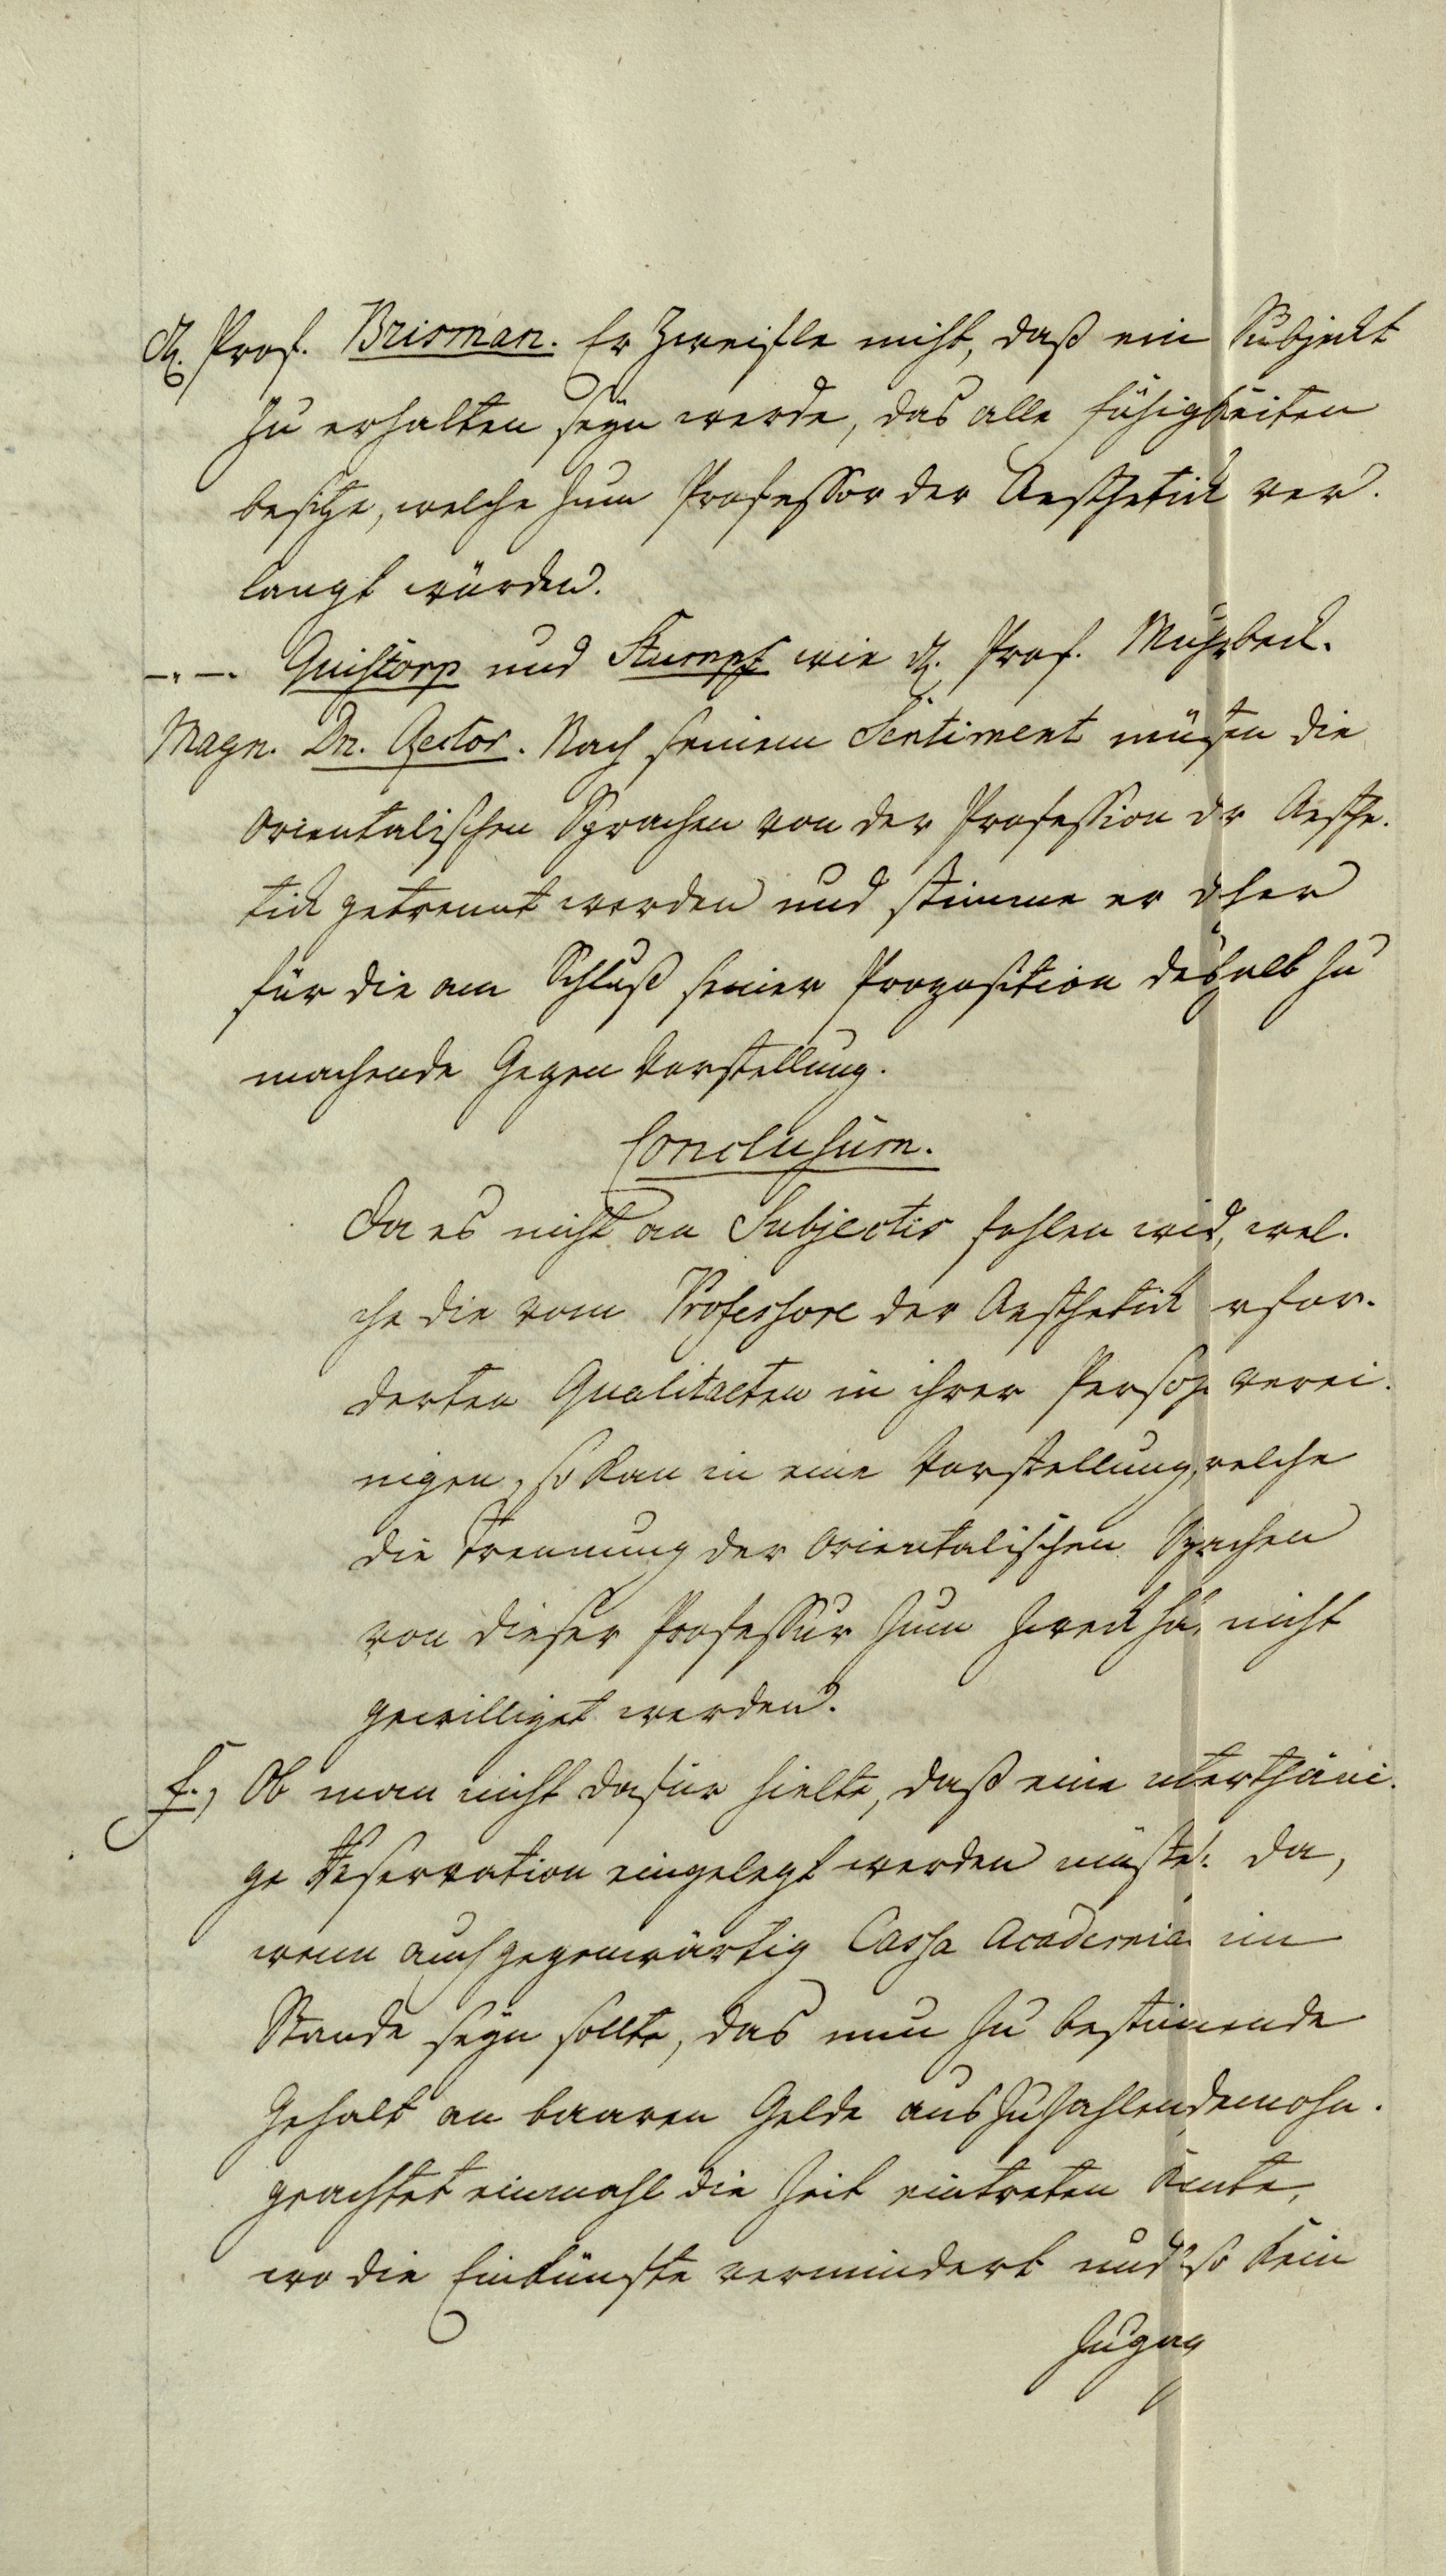dh. Prof. Brismann. Er zweifle nicht, daß ein Subjeckt
zu erhalten seÿn werde, das alle Fähigkeiten
besitze, welche zum Professor der Aethetick ver¬
langt würden.
— " — . Quistorp und Stumpf. wie dh. Prof. Muhrbeck.
Magn. Dn. Rector. Nach seinem Sentiment müssten die
Orientalischen Sprachen von der Profession der Aesthe¬
tick getrennt werden und stimme er daher
für die am Schluß seiner Proposition deshalb zu
machende Gegen Vorstellung.
Conclusum.
Da es nicht an Subjectis fehlen wird, wel¬
che die vom Professore der Aesthetick erfor¬
derten Qualitäten in ihrer Persohn verei¬
nigen, so kan in eine Vorstellung, welche
die Trennung der Orientalischen Sprachen
von dieser Professur zum Zweck habe, nicht
gewilligt werden.
f., Ob man nicht dafür hielte, daß eine unterthäni¬
ge Reservation eingelegt werden müßte; da,
wenn auch gegenwärtig Cassa Academica im
Stande seÿn sollte, das nun zu bestimmende
Gehalt an baaren Gelde auszuzahlen, demohn¬
geachtet einmahl die Zeit eintreten könnte,
wo die Einkünfte vermindert und also kein
Zugang